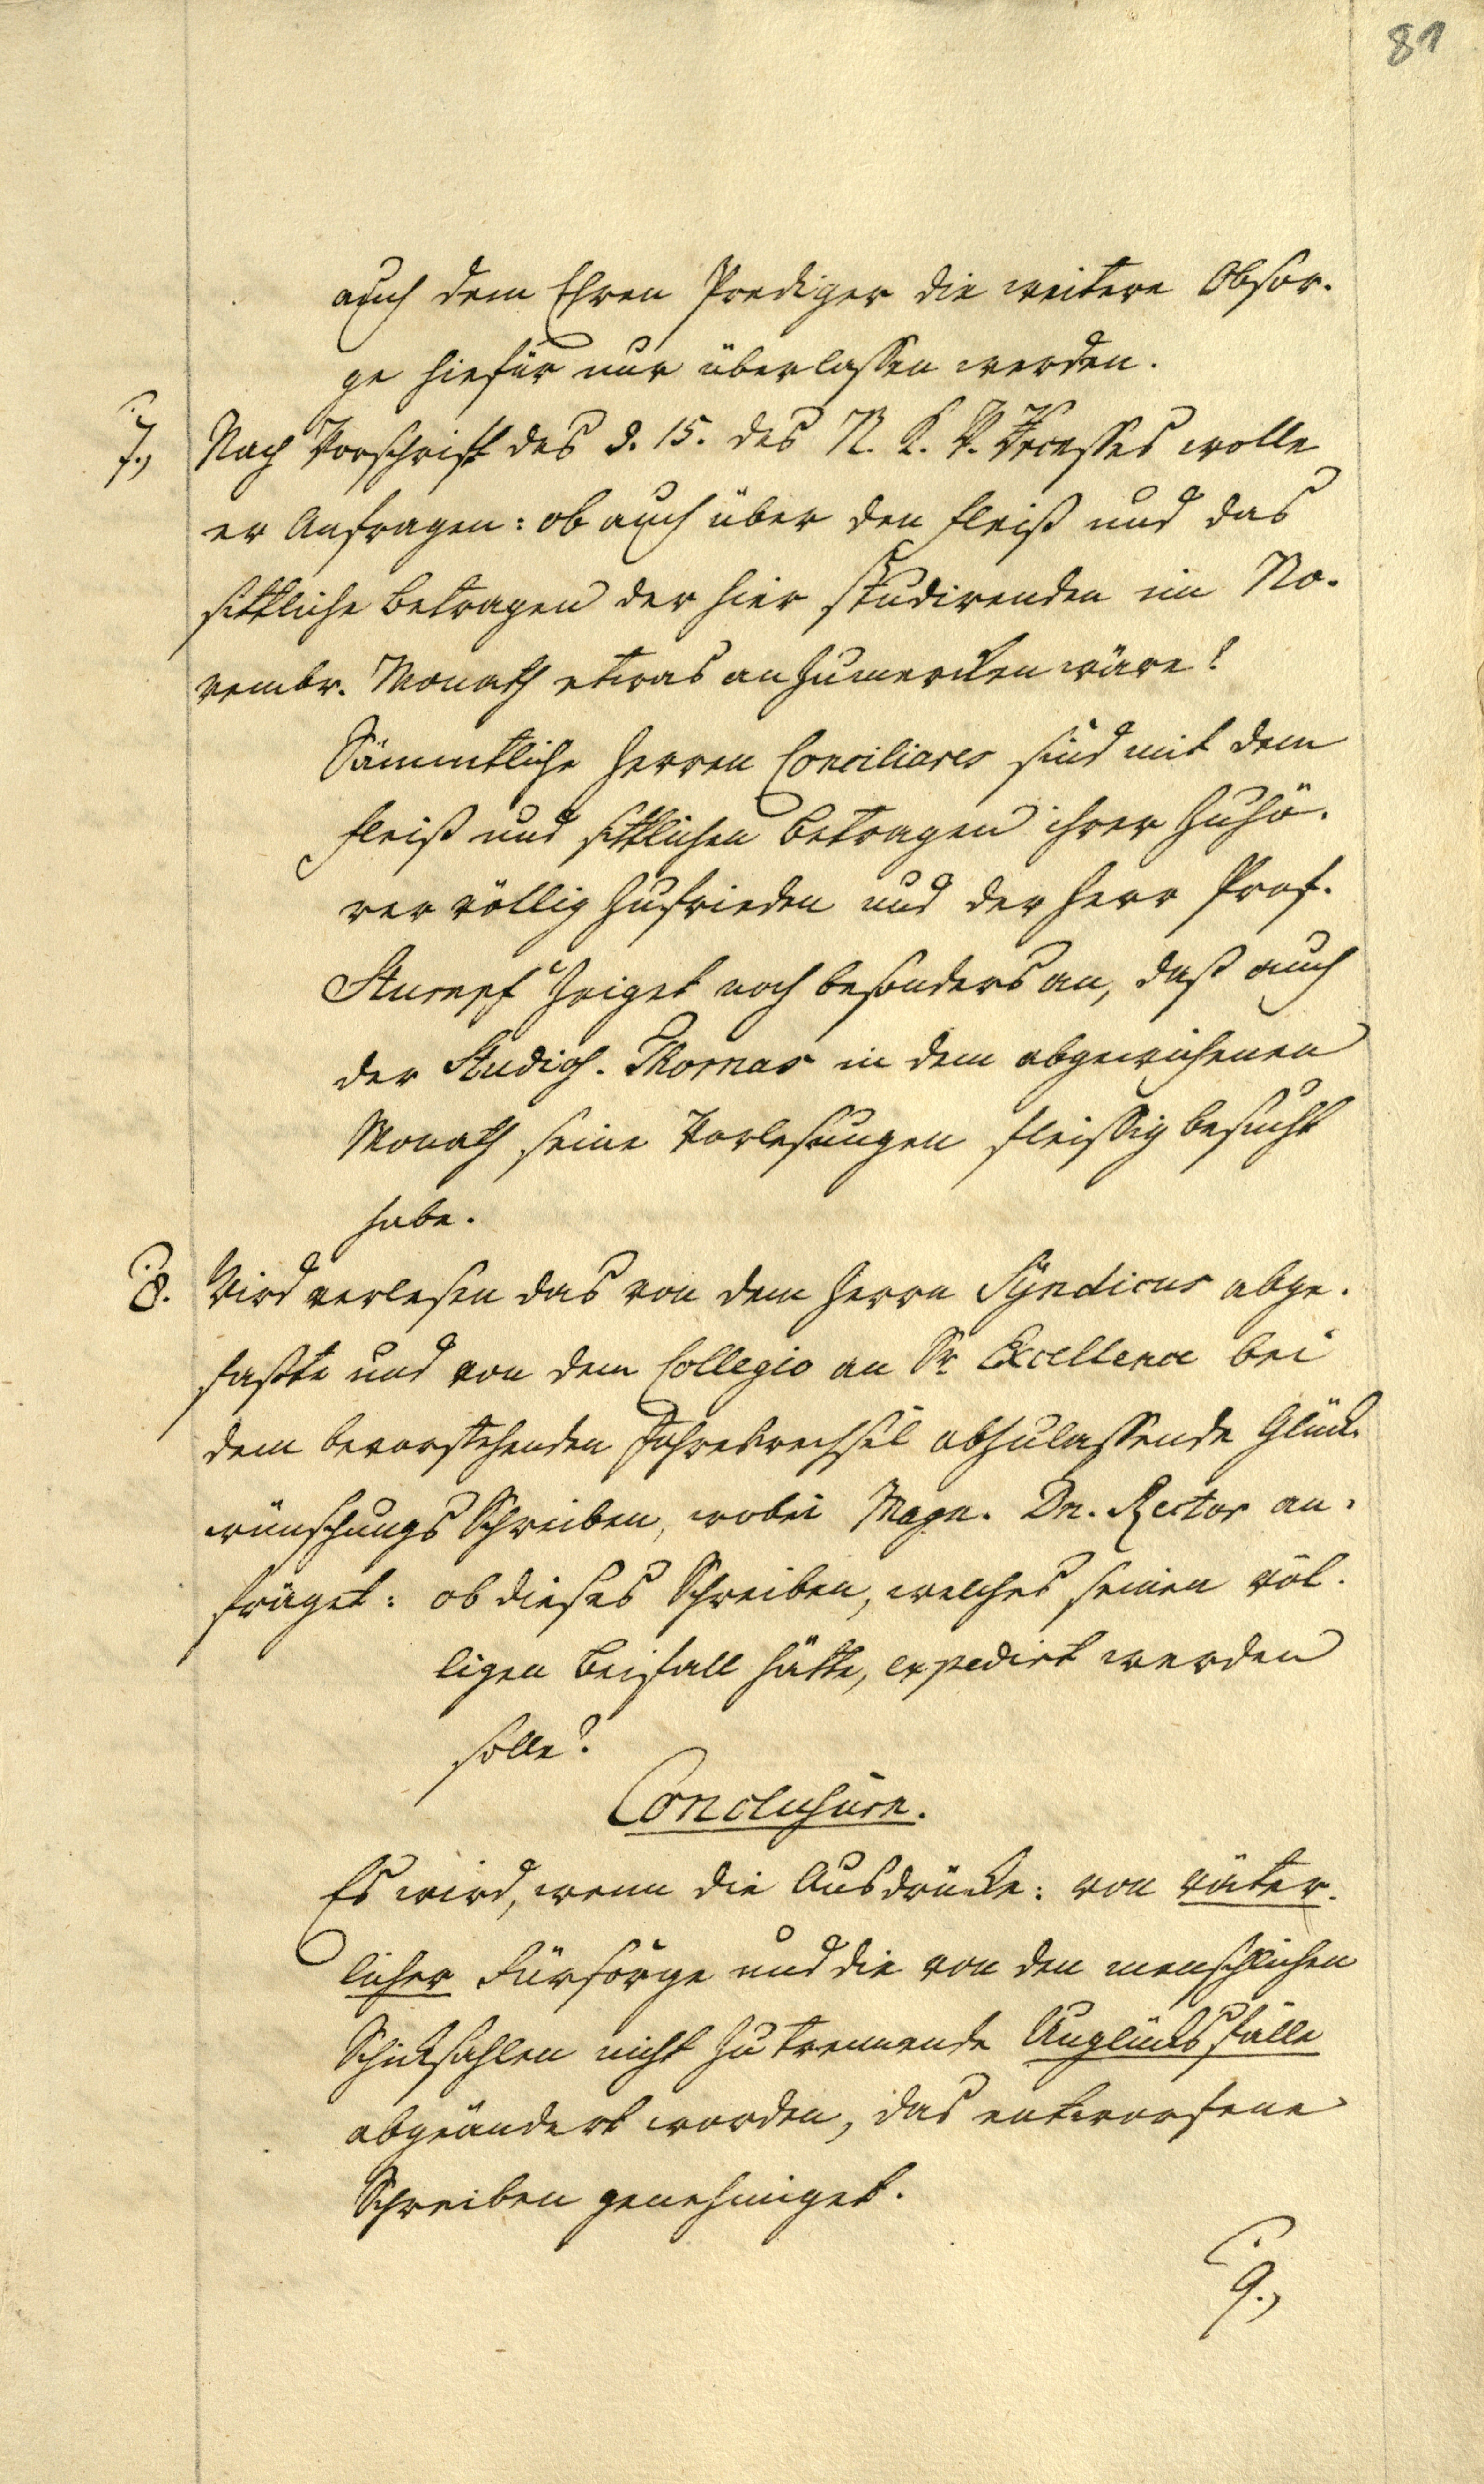auch dem Ehren Prediger die weitere Obsor¬
ge hiefür nur überlassen werden.
7. Nach Vorschrift des §. 15. des N. K. V. Recesses wolle
er anfragen: ob auch über den Fleiß und das
sittliche Betragen der hier Studirenden im No¬
vember Monath etwas anzumerken wäre?
Sämmtliche Herren Conciliares sind mit dem
Fleiß und sittlichen Betragen ihrer Zuhö¬
rer völlig zufrieden und der Herr Prof.
Stumpf zeiget noch besonders an, daß auch
der Studios. Thomas in dem abgewichenen
Monath seine Vorlesungen fleissig besucht
habe.
8. Wird verlesen das von dem Herrn Sÿndicus abge¬
faßte und von dem Collegio an Sr Excellence bei
dem bevorstehenden Jahreswechsel abzulassende Glück¬
wünschungs Schreiben, wobei Magn. Dn. Rector an¬
fräget: ob dieses Schreiben, welches seinen völ¬
ligen Beifall hätte, expedirt werden
solle?
Conclusum.
Es wird, wenn die Ausdrücke: von väter¬
licher Fürforge und die von den menschlichen
Schicksahlen nicht zu trennende Unglücksfälle
abgeändert worden, das entworfene
Schreiben genehmiget.
9.,